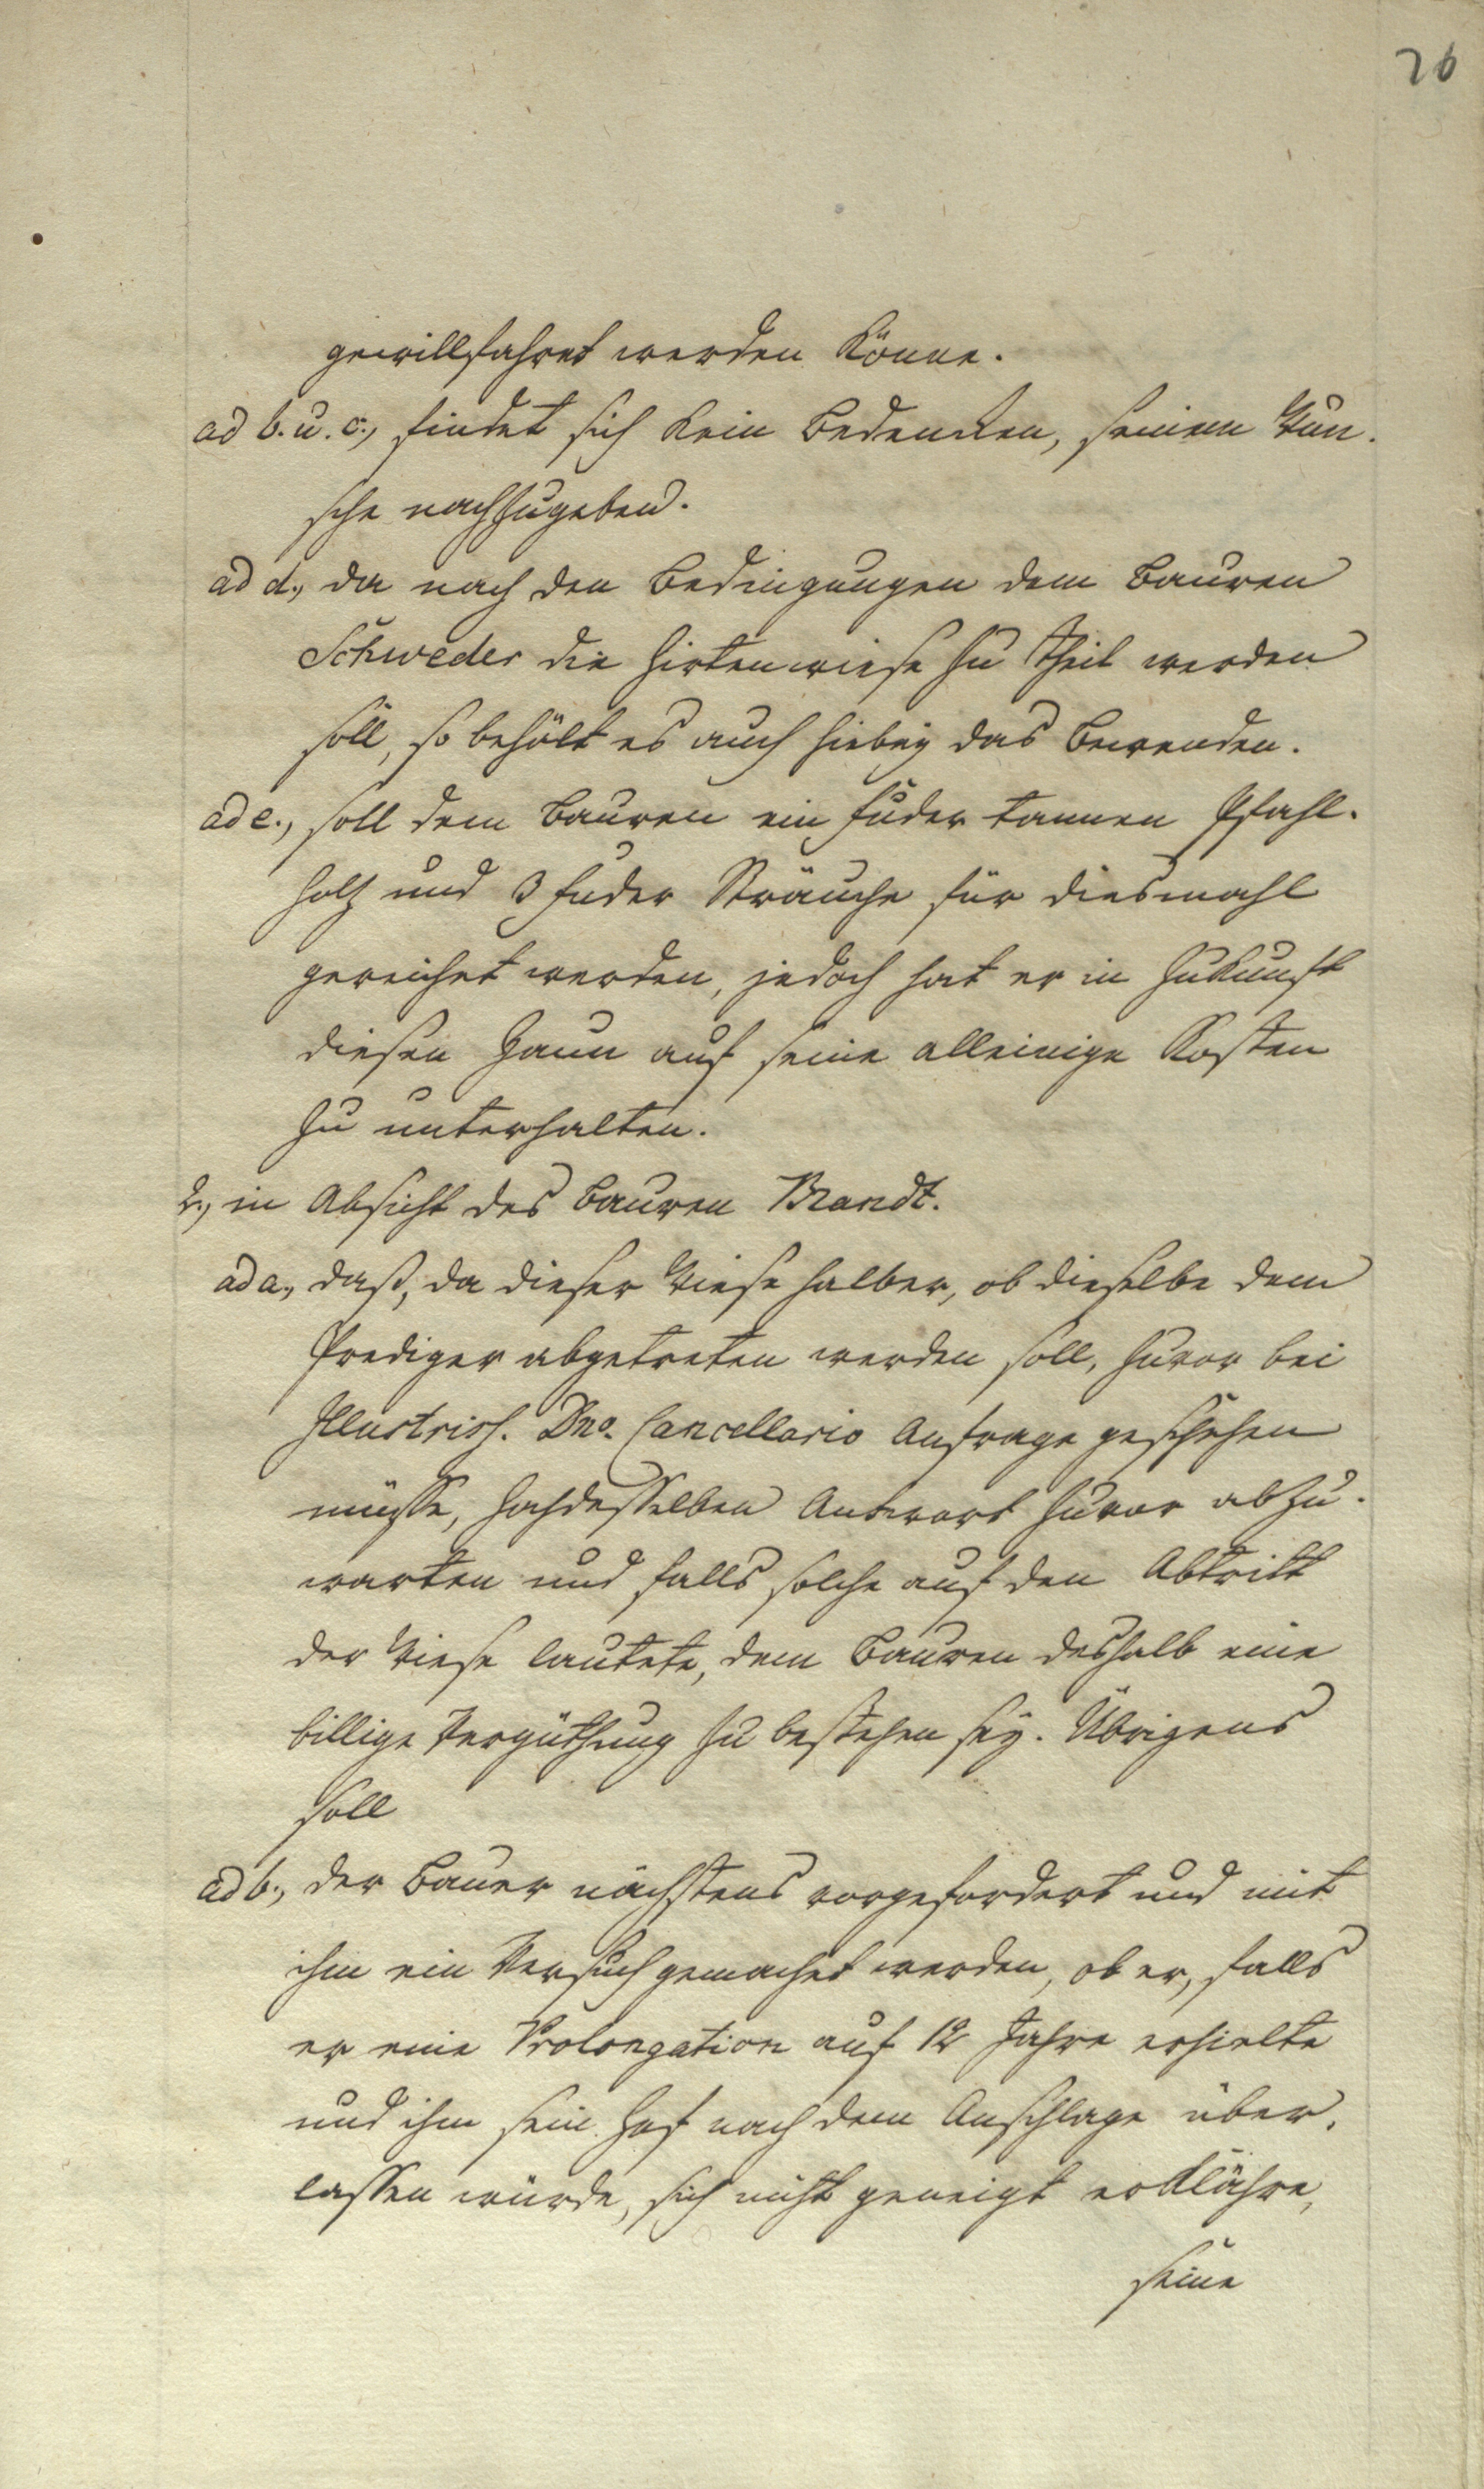gewillfahret werden könne.
ad b. u. c., findet sich kein Bedencken, seinem Wun¬
sche nachzugeben.
ad d., da nach den Bedingungen dem Bauren
Schweder die Hirtenwiese zu Theil werden
soll, so behält es auch hiebeÿ das Bewenden.
ad e., soll dem Bauren ein Fuder Tannen Pfahl-
holz und 3 Fuder Sträuche für diesmahl
gereichet werden, jedoch hat er in Zukunft
diesen Zaun auf seine alleinige Kosten
zu unterhalten.
2., in Absicht des Bauren Brandt.
ad a., daß da dieser Wiese halber, ob dieselbe dem
Prediger abgetreten werden soll, zuvor bei
Jllustriss. Dn Cancellario Anfrage geschehen
müsse, Hochdesselben Antwort zuvor abzu¬
warten und falls solche auf den Abtritt
der Wiese lautete, dem Bauren deshalb eine
billige Vergüthung zu bestehen seÿ. Übrigens
soll
ad b., der Bauer nächstens vorgefordert und mit
ihm ein Versuch gemachet werden, ob er, falls
er eine Prolongation auf 12 Jahre erhielte
und ihm sein Hof nach dem Anschlage über¬
lassen würde, sich nicht geneigt erklähre,
seine